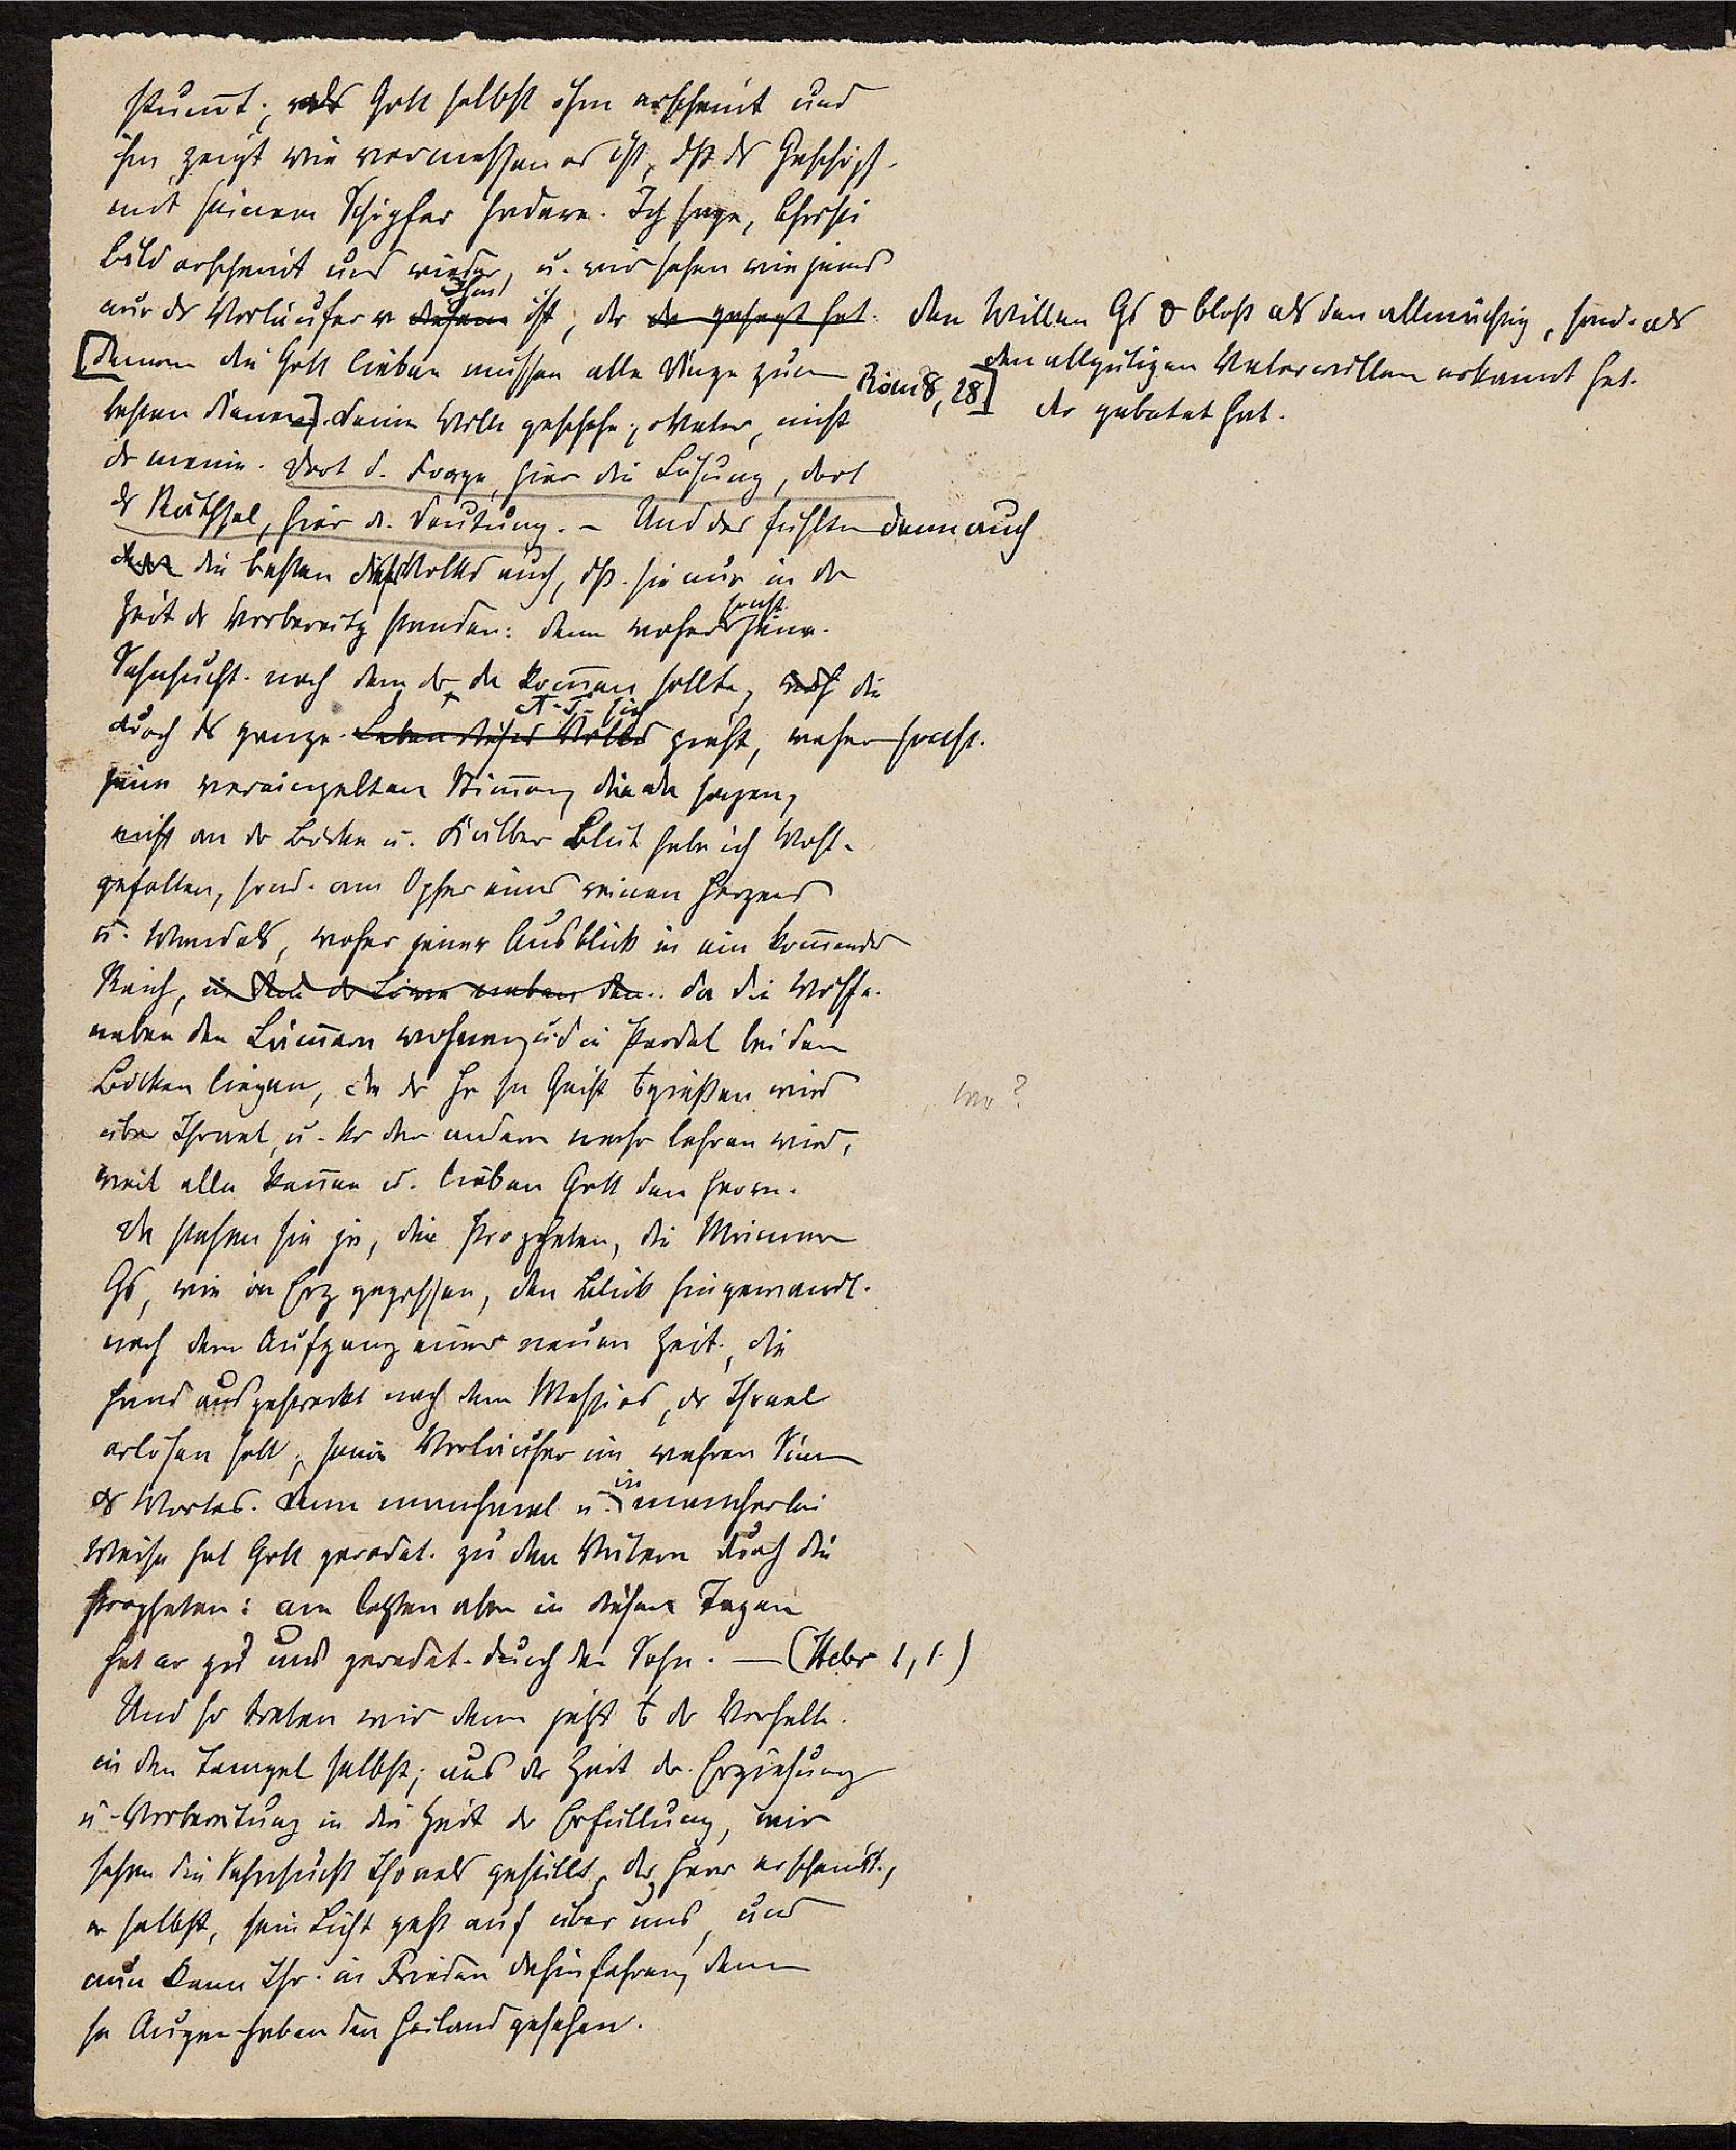stumt, als Gott selbst ihm erscheint und
ihm zeigt wie vermessen es ist, dß ds Geschöpf
midt seinem Schöpfer hadere. Ich sage, Christi
Bild erscheit uns wieder, u. wir sehen wie jenes
Ihm
nur dr Vorläufer v diesem ist, der da gesagt het den Willen Gs o bloß als den allmächtig, sond. als
[denen, die Gott, lieben müssen alle Dnge zum
den allgütigen Vaterwillen erkannt hat.
Röm 8,28] der gebetet hat.
besten dienen] dein Wille geschehe, Vater, nicht
dr meine. Dort d. Frage, hier die Lösung, dort
ds Rätssel, hier d. Deutung._ Und das fühlten denn auch
dem die besten dieses Volkes auch, dß sie nur in der
sonst
Zeit dr Vorbereitg. standen: den woher jene.
Sehnsucht nach dem, dr da komen sollte, nach die
A.T.
sich
durch ds ganze Leben dieses Volkes zieht, woher sonst
jene vereinzelten Stimen, die da sagen,
nicht an dr Böcken u. Kälber Blut habe ich Wohl¬
gefallen, sond. am Opfer eins reinen Herzens
u. Wandels, woher jener Ausblick in ein komendes
Reich, in das Lamm neben dem da die Wölfe
neben den Lämern wohnen, u. die Perdel bei den
Böcken liegen, da der Hr sn Geist sgießen wird
wo?
über Israel u kr den andern mehr lehren wird,
weil alle kemen u. lieben Gott den Herrn.
da stehen sie ja, die Propheten, die Männer
Gs, wie in Erz gegossen, den Blick hingewandt.
nach dem Aufgang einer neuen Zeit, die
Hand ausgestreckt nach dem Messias, dr Israel
erlösen soll, seine Voläufer in wahren Sinn
ds Wortes. Denn manchmal u in mancherlei
Weise hat Gott geredet zu den Vätern durch die
Propheten: am letzten eben in diesen Tagen
jat er zu uns geredet durch den Sohn _ (Hebr 1,1)
Und so treten wir denn jetzt s dr Vorhalle.
in dem Tempel selbst, aus dr Zeit der Erziehung
u. Vorbereitung in die Zeit der Erfüllung, wir
sehen die Sehnsucht Israels gestillt, ds Herr erscheint,
er selbst, sein Licht geht auf über uns, und
nun kann Isr. in Frieden dahinfahren, denn
sn Augen haben den Heiland gesehen.